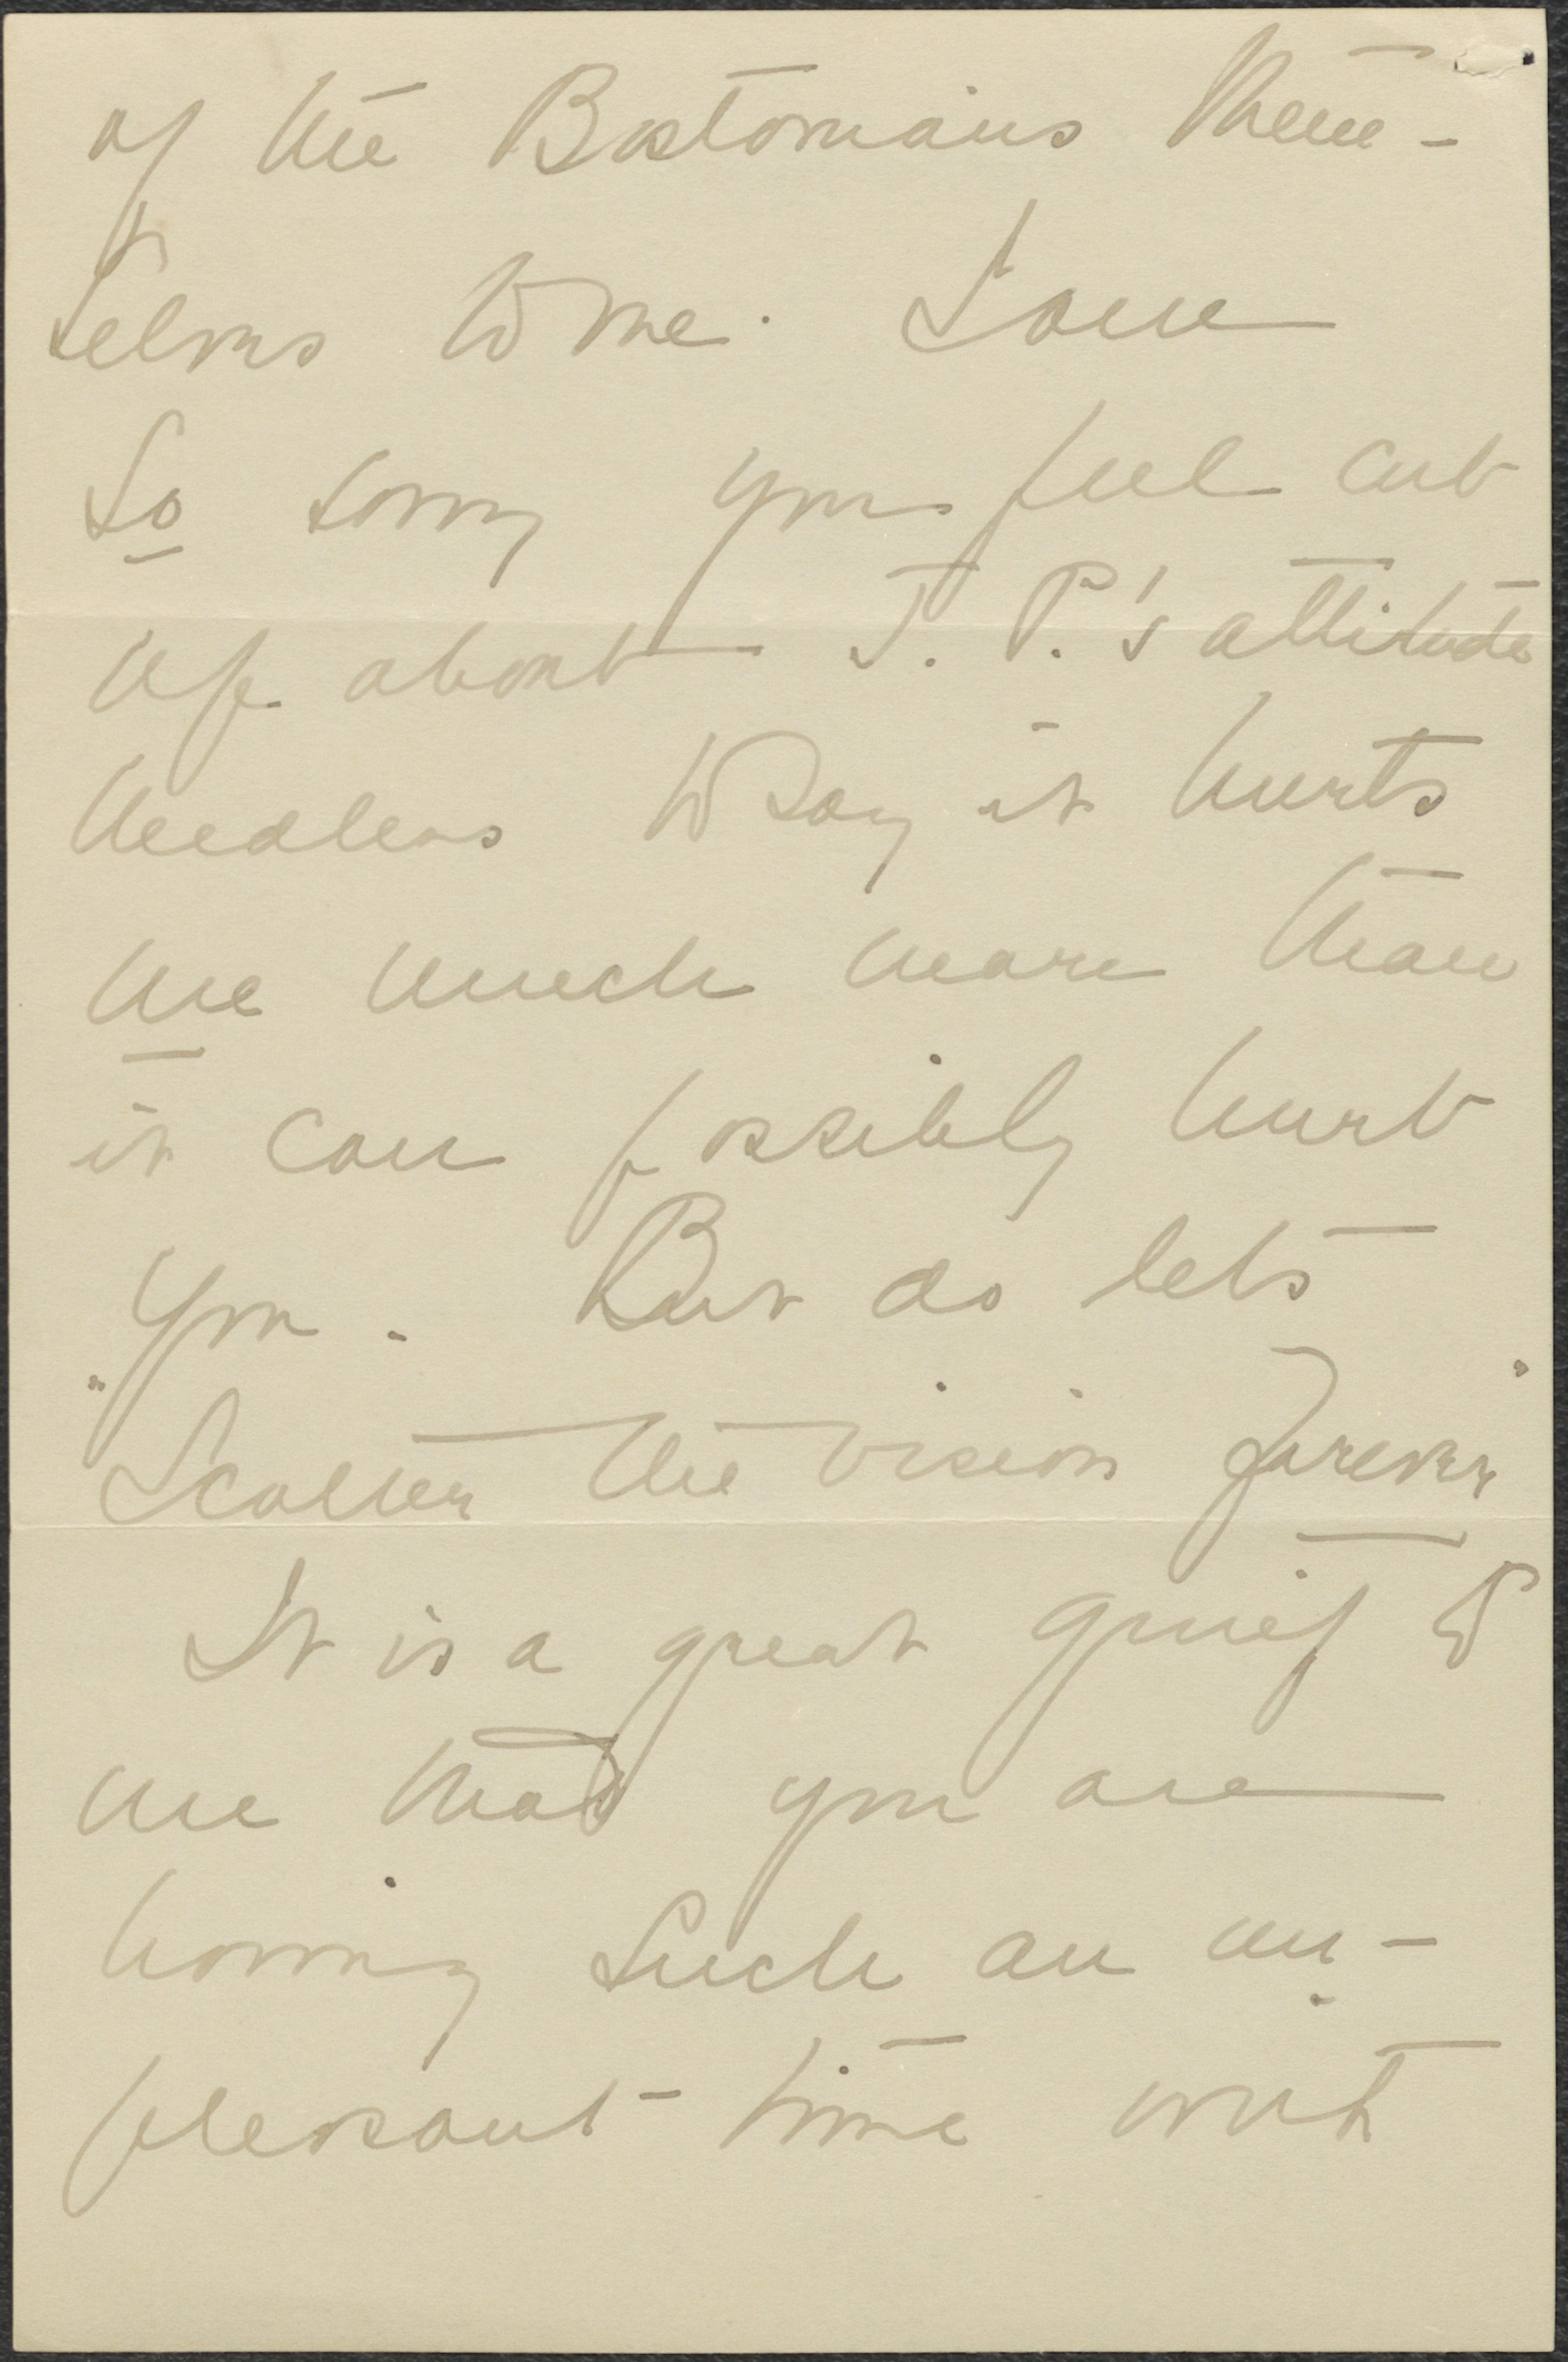of the Bostonians themselves to me. I am so sorry you feel cut up about J.P.’s attitude needless to say it hurts me much more than it can possibly hurt you – But do lets “Scatter the vision forever”
It is a great grief to me that you are having such an unpleasant time with